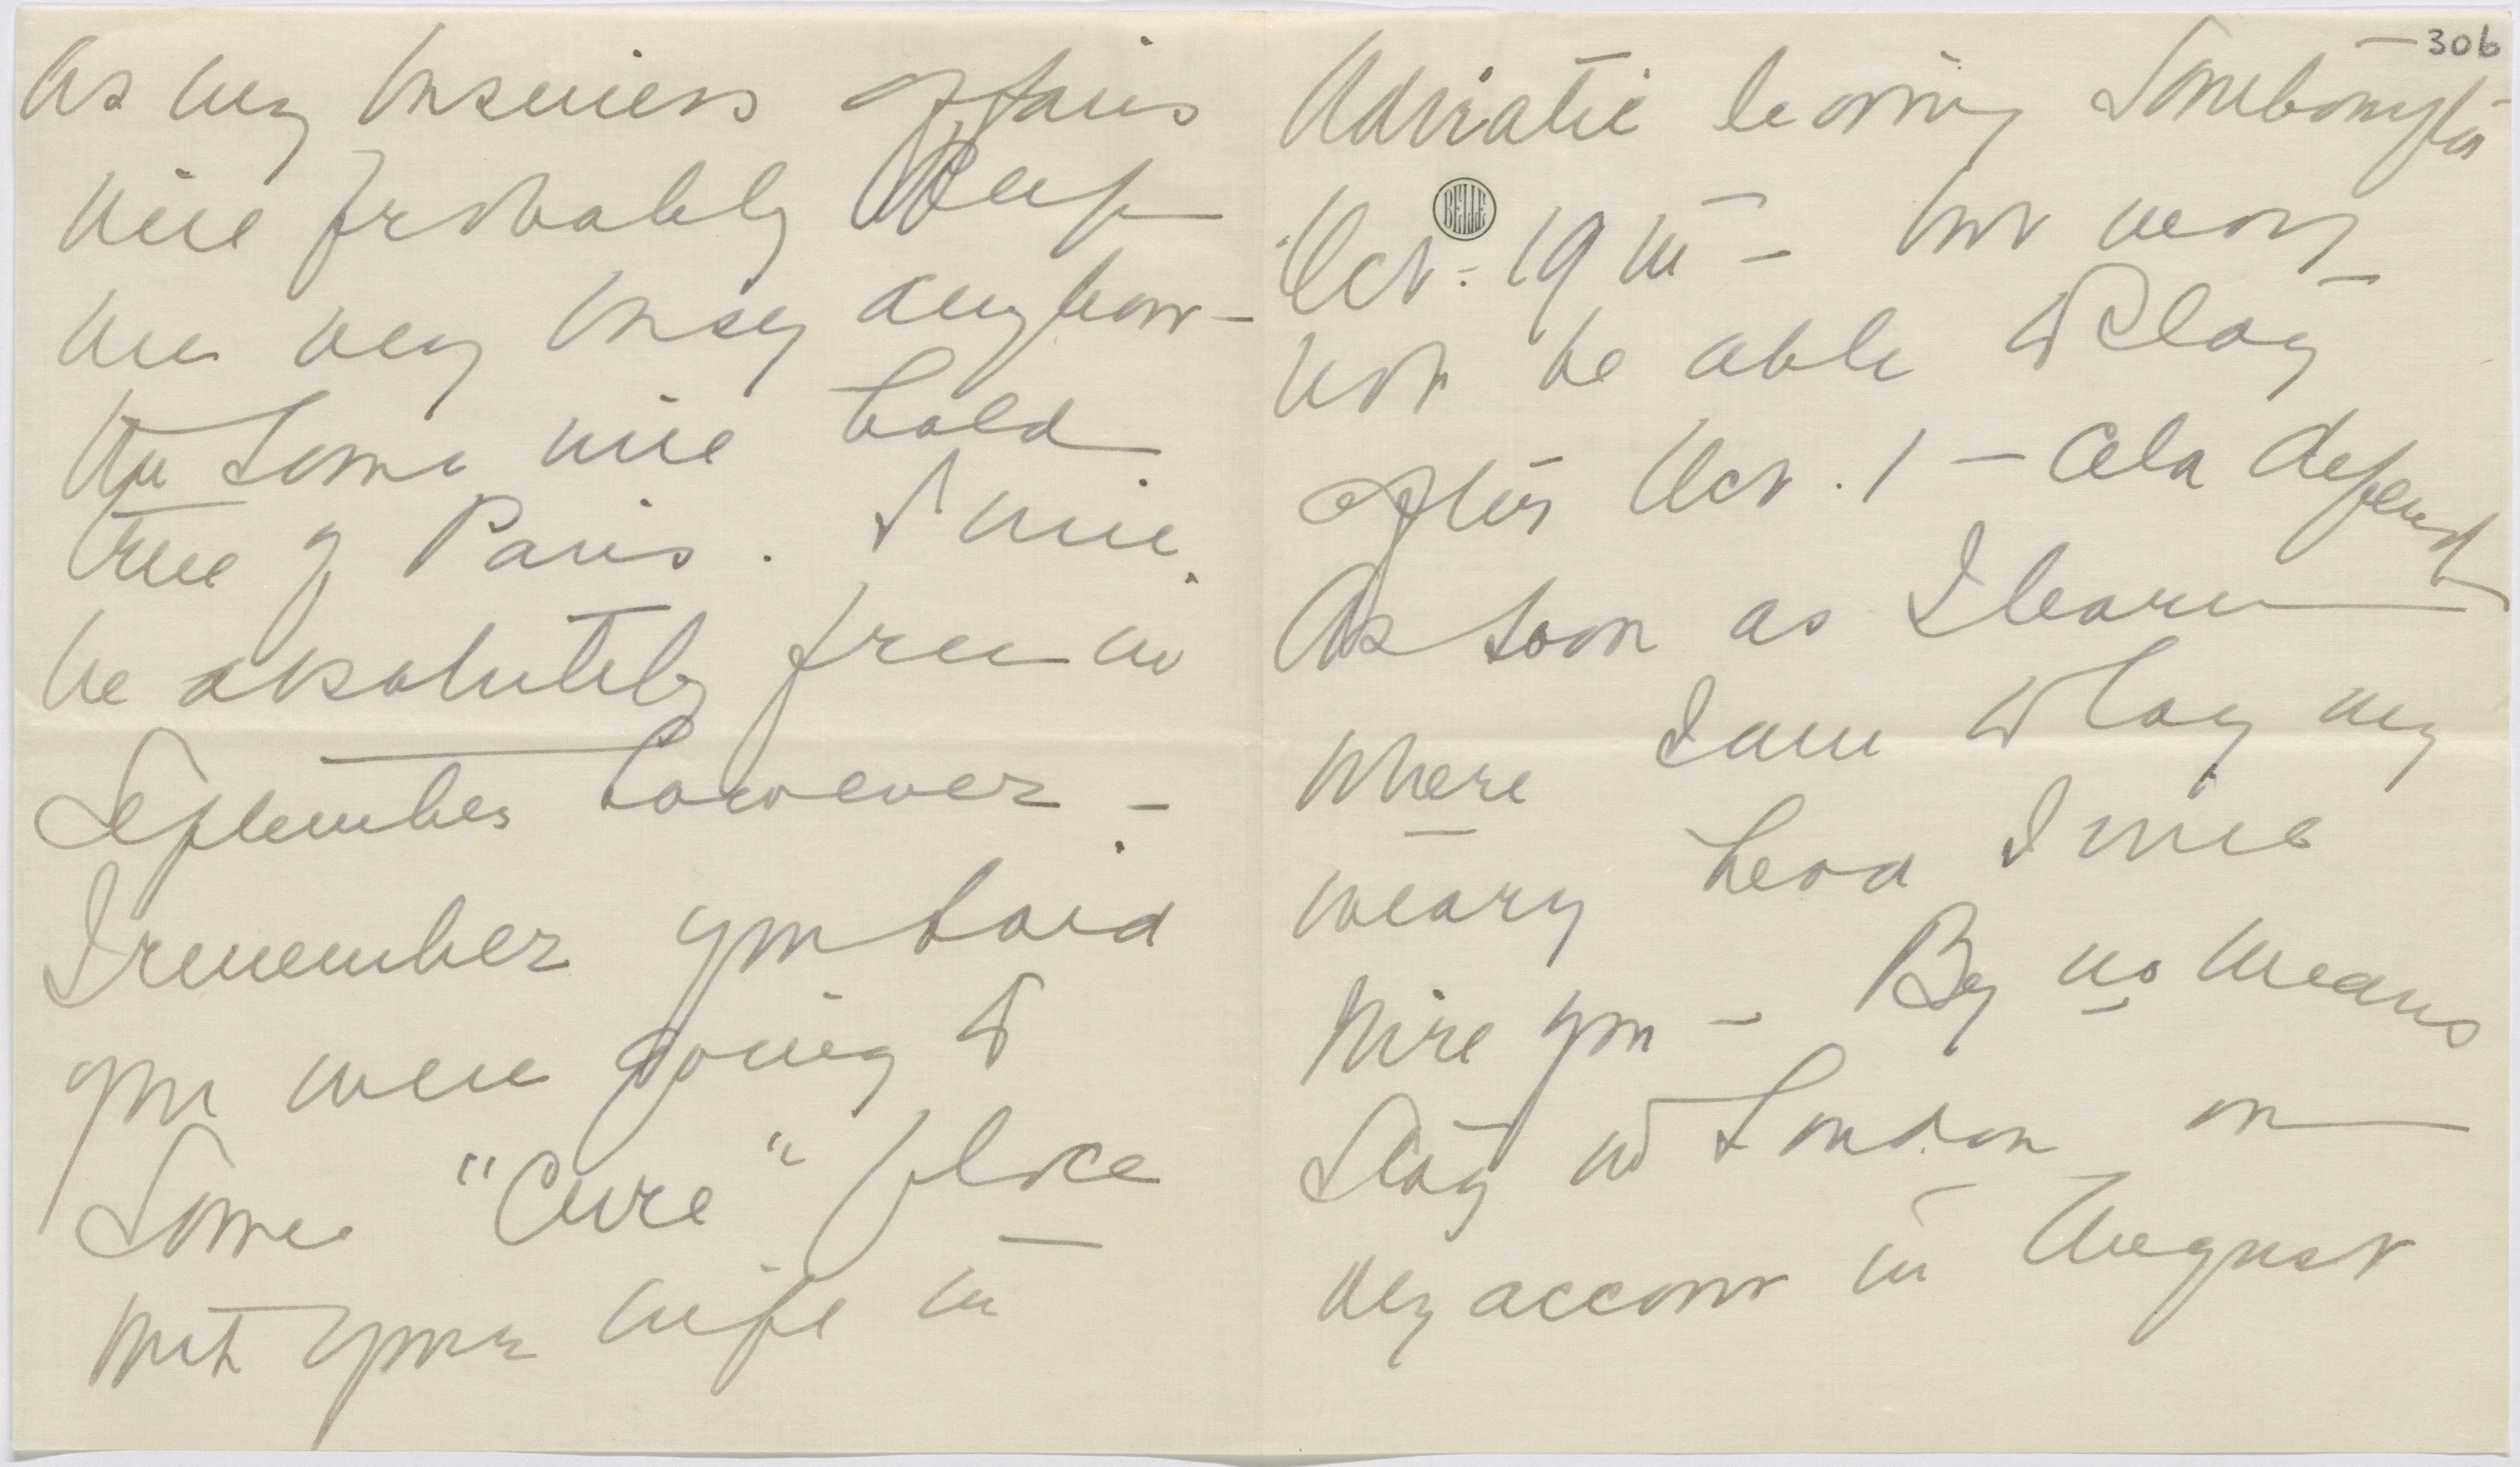Adriatic leaving Southampton Oct. 19th – but may not be able to stay after Oct. 1 – cela depend – As soon as I learn where I am to lay my weary head I will wire you – By no means stay in London on my account in August
as my business affairs will probably keep me very busy anyhow – the same will hold true of Paris. I will be absolutely free in September however – I remember you said you were going to some “cure” place with your wife in